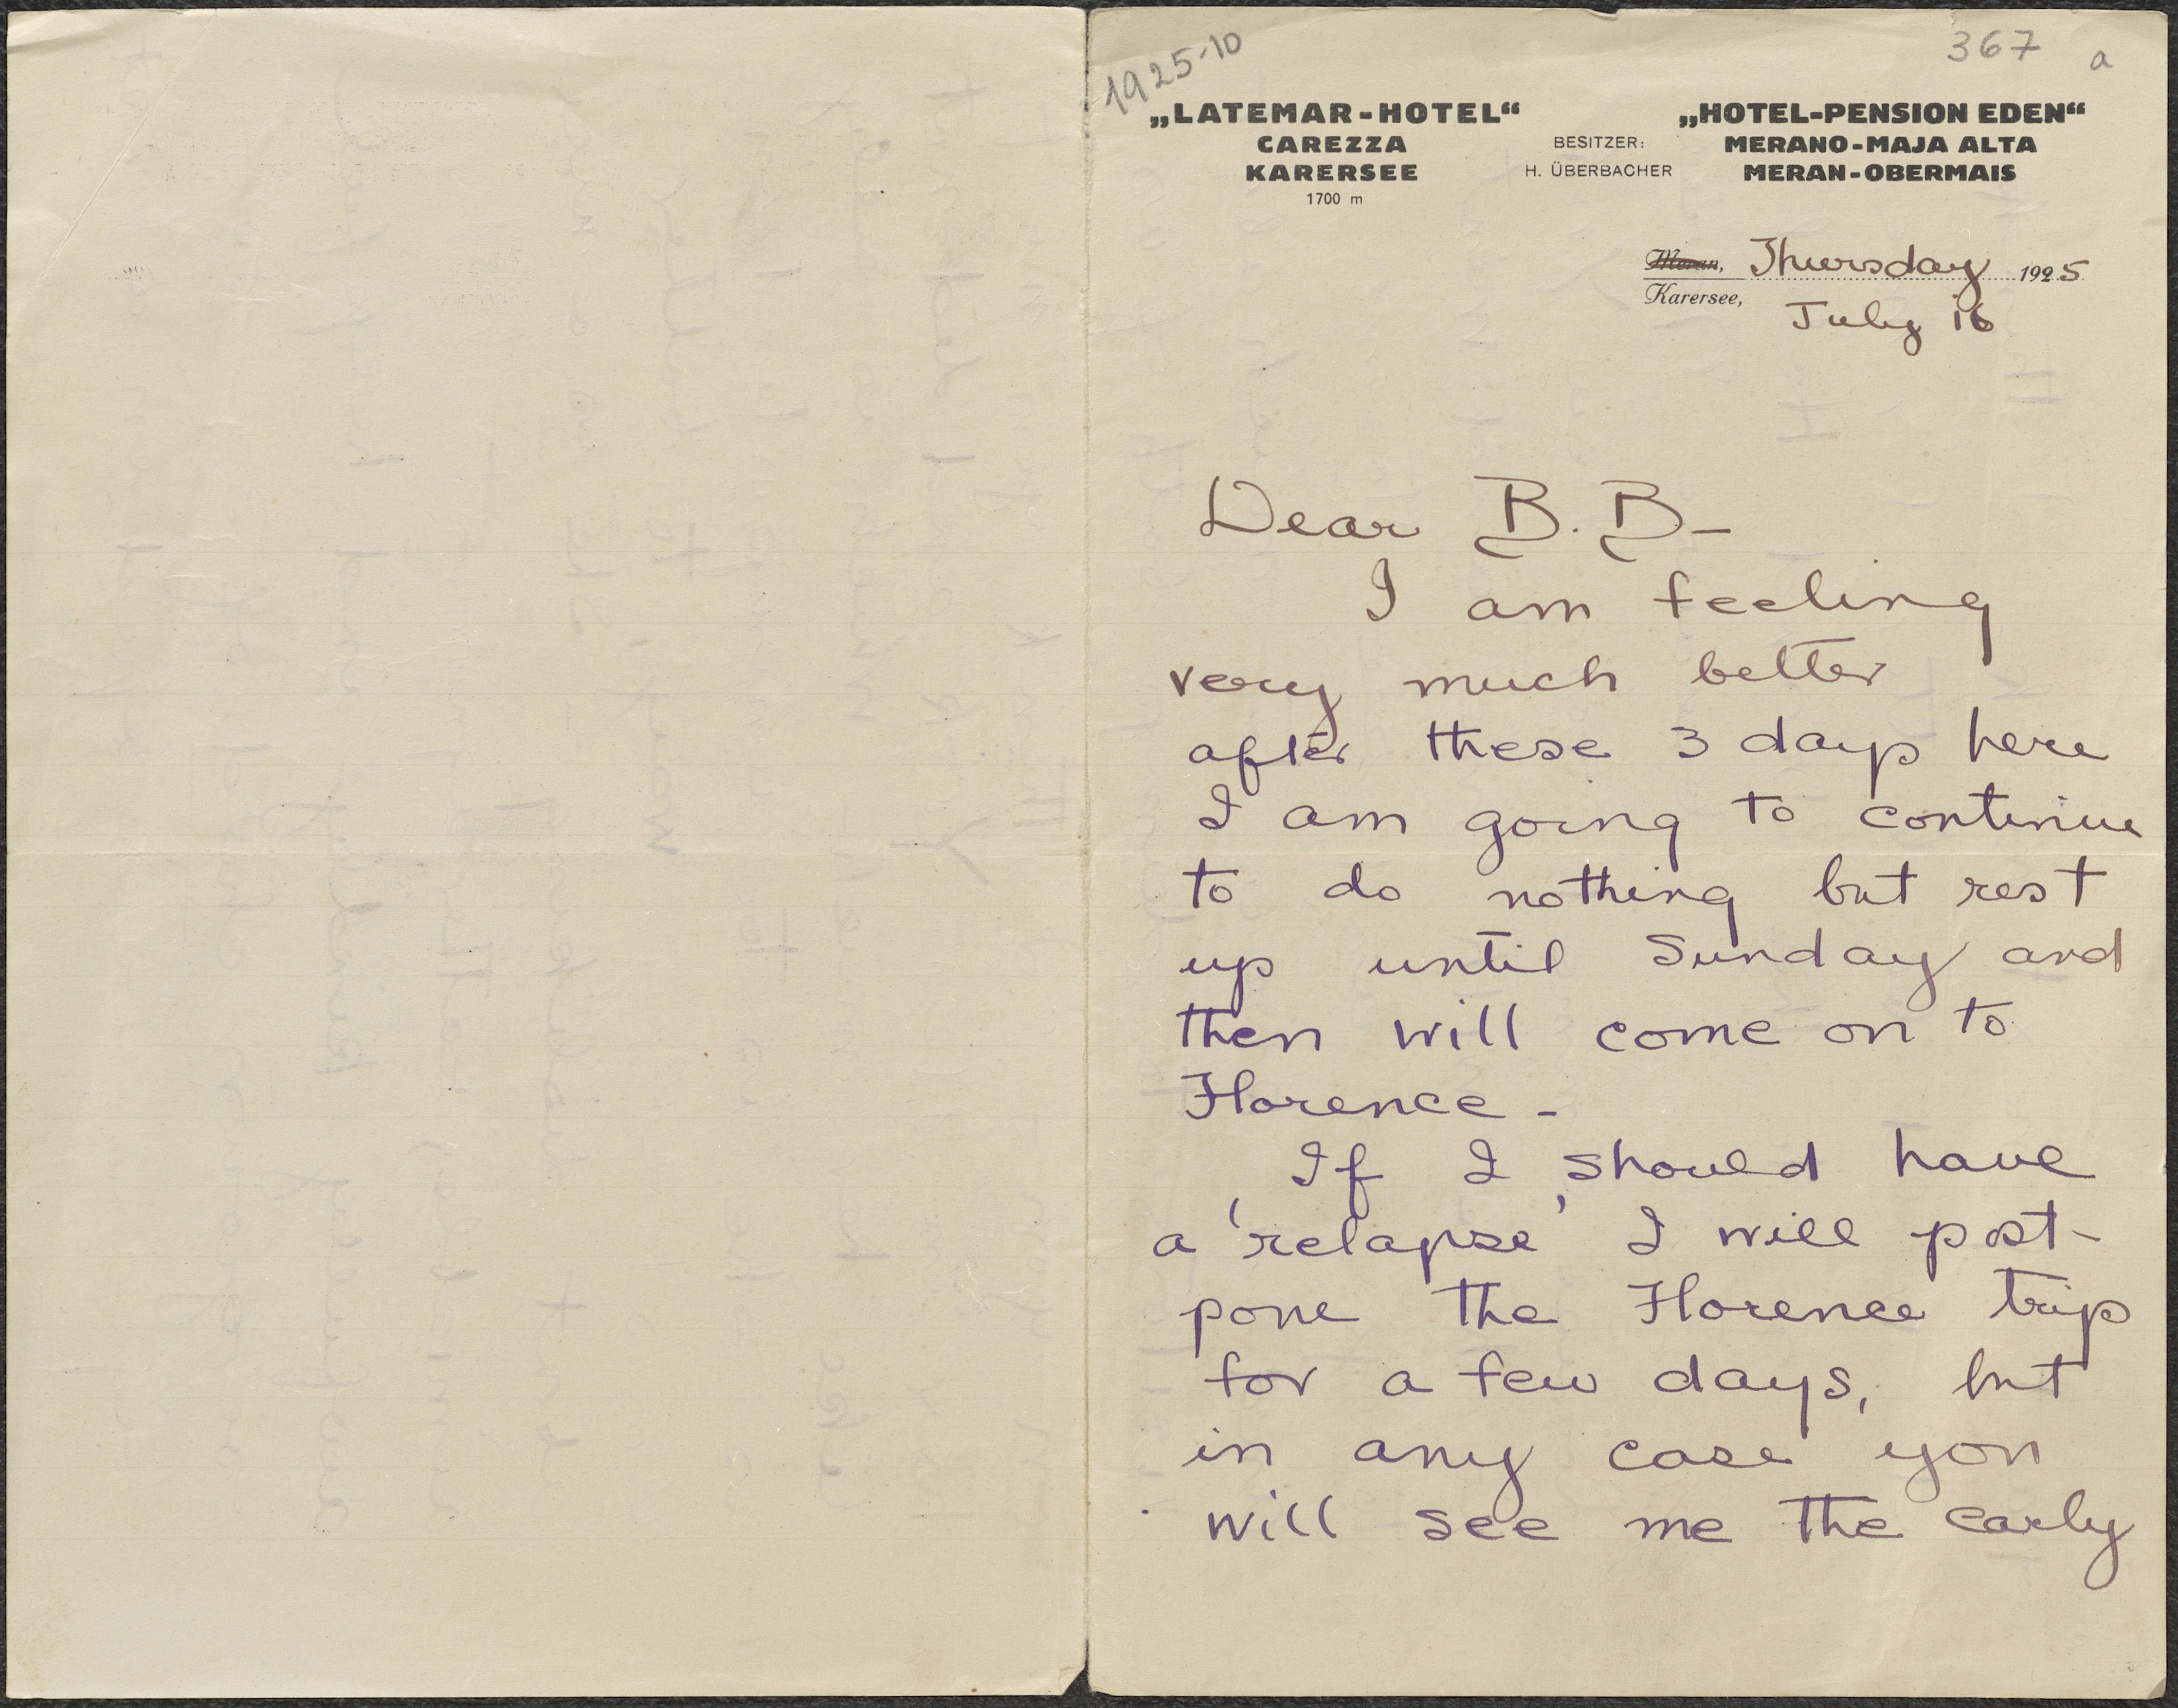[written in brown ink: Thursday July 16] [written in brown ink after a printed "192": 5]
Dear B. B. –
I am feeling very much better after these 3 days here I am going to continue to do nothing but rest up until Sunday and then will come on to Florence –
If I should have a "relapse" I will postpone the Florence trip for a few days, but in any case you will see me the early